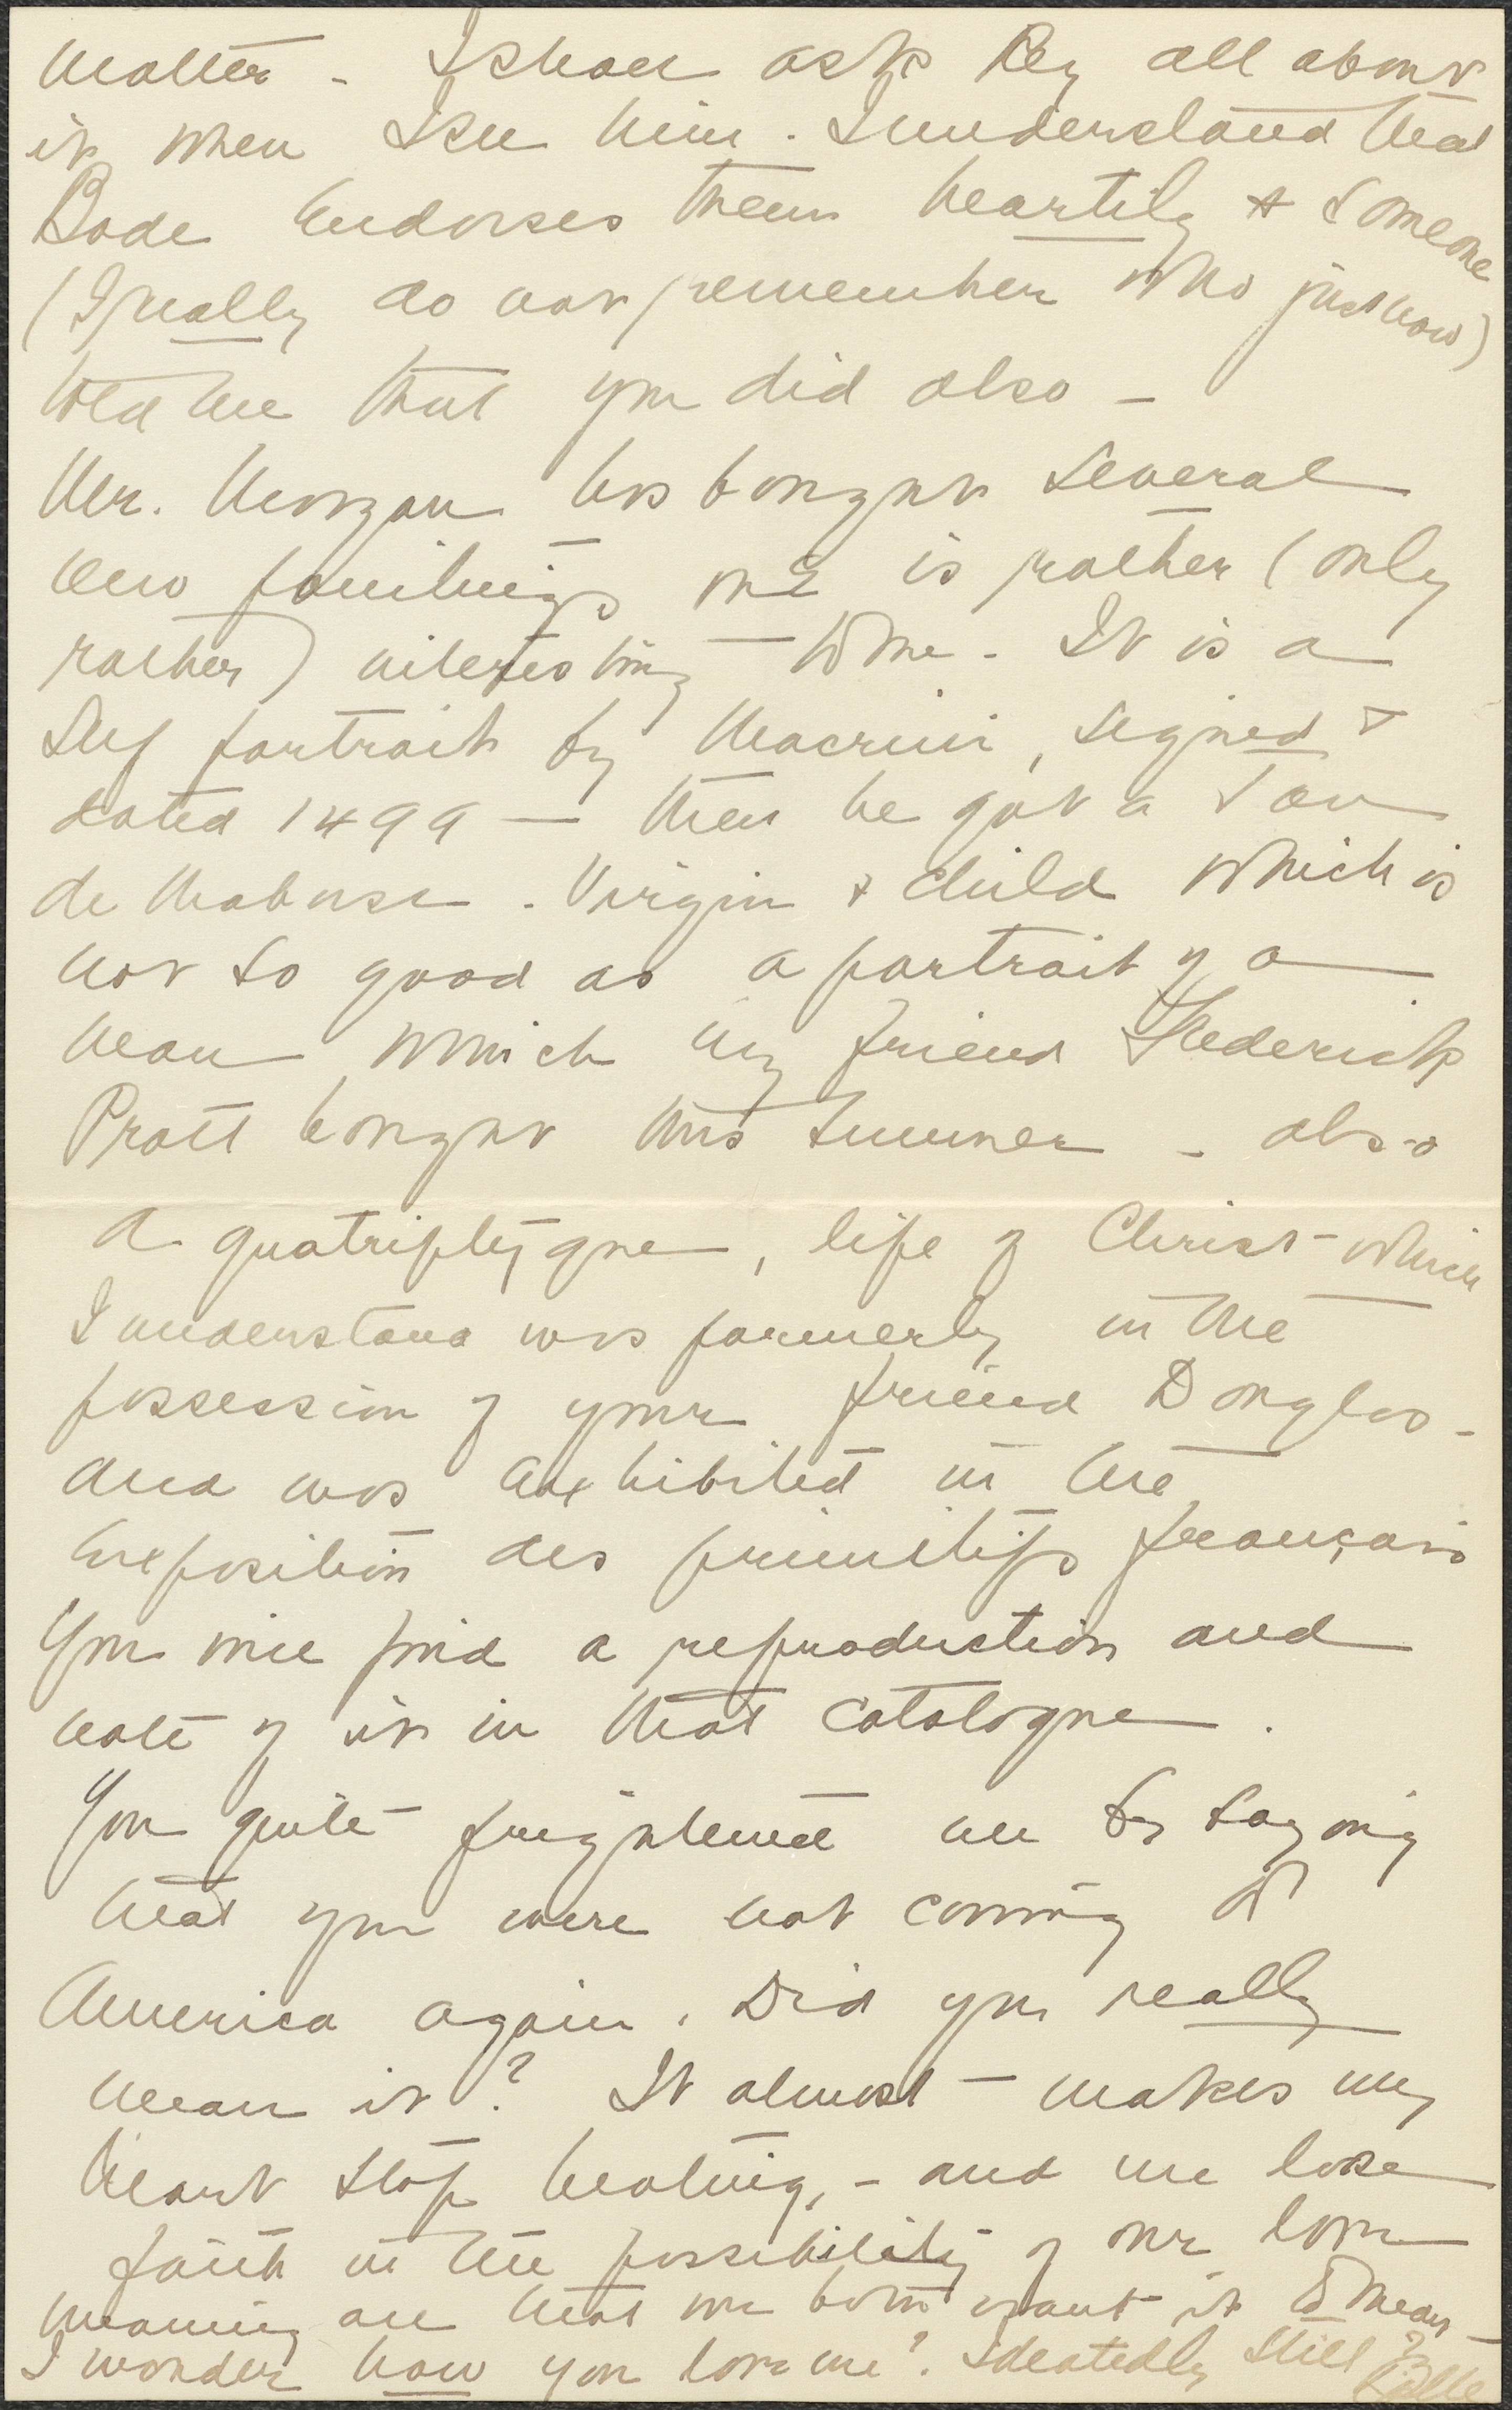matter. I shall ask Rey all about it when I see him. I understand that Bode endorses them heartily & someone (I really do not remember who just now) told me that you did also –
Mr. Morgan has bought several new paintings one is rather (only rather) interesting to me – It is a self portrait by Macrini, signed & dated 1499 – then he got a Jan de Mabuse – Virgin & Child which is not so good as a portrait of a man which my friend Frederick Pratt bought this summer – also a quatriptyque [sic], life of Christ which I understand was formerly in the possession of your friend Douglas – and was exhibited in the exposition des primitifs français
You will find a reproduction and note of it in that catalogue.
You quite frightened me by saying that you were not coming to America again. Did you really mean it? It almost makes my heart stop beating, – and we lose faith in the possibility of our love meaning all that we both want it to mean – I wonder how you love me? Ideatedly still?
Belle